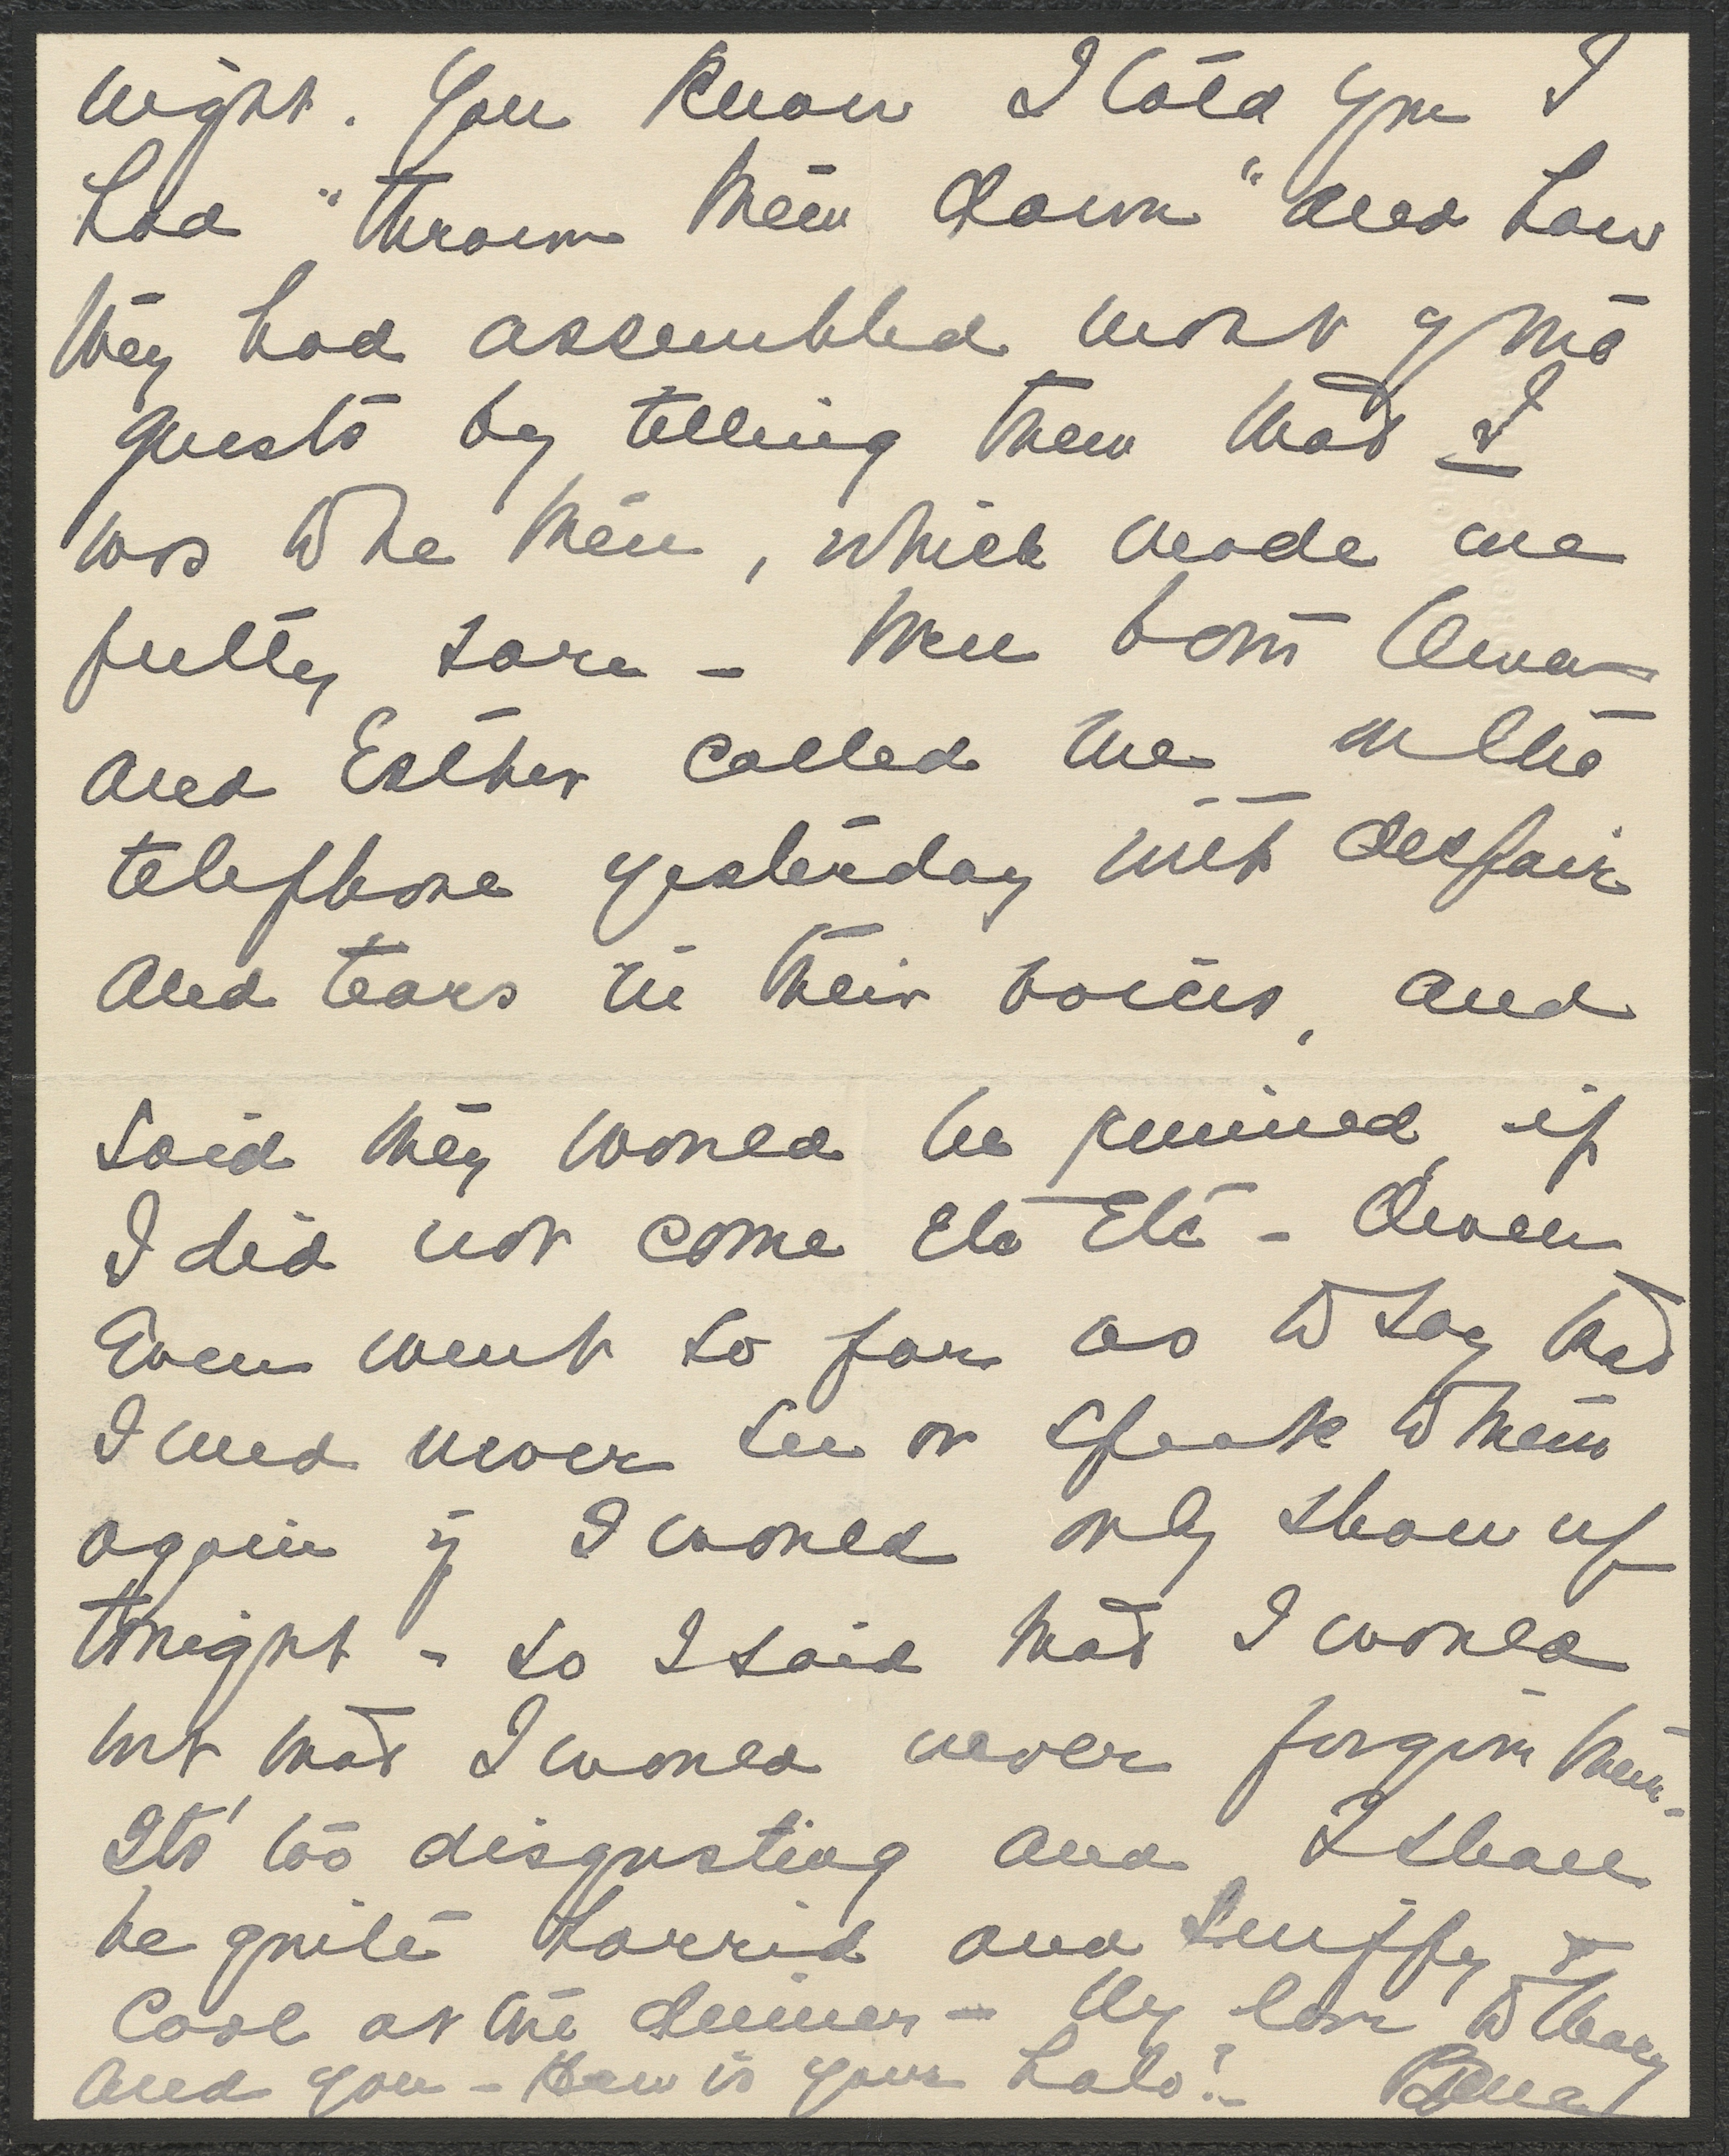You know I told you I had “thrown them down” and how they had assembled most of the guests by telling them that I was to be there, which made me pretty sore – Well both Owen and Esther called me on the telephone yesterday with despair and tears in their voices, and said they would be ruined, if I did not come etc etc – Owen even went so far as to say that I need never see or speak to them again if I would only show up tonight – so I said that I would but that I would never forgive them. It’s too disgusting and I shall be quite horrid and sniffy & cool at the dinner – My love to Mary and you – How is your halo? – Belle